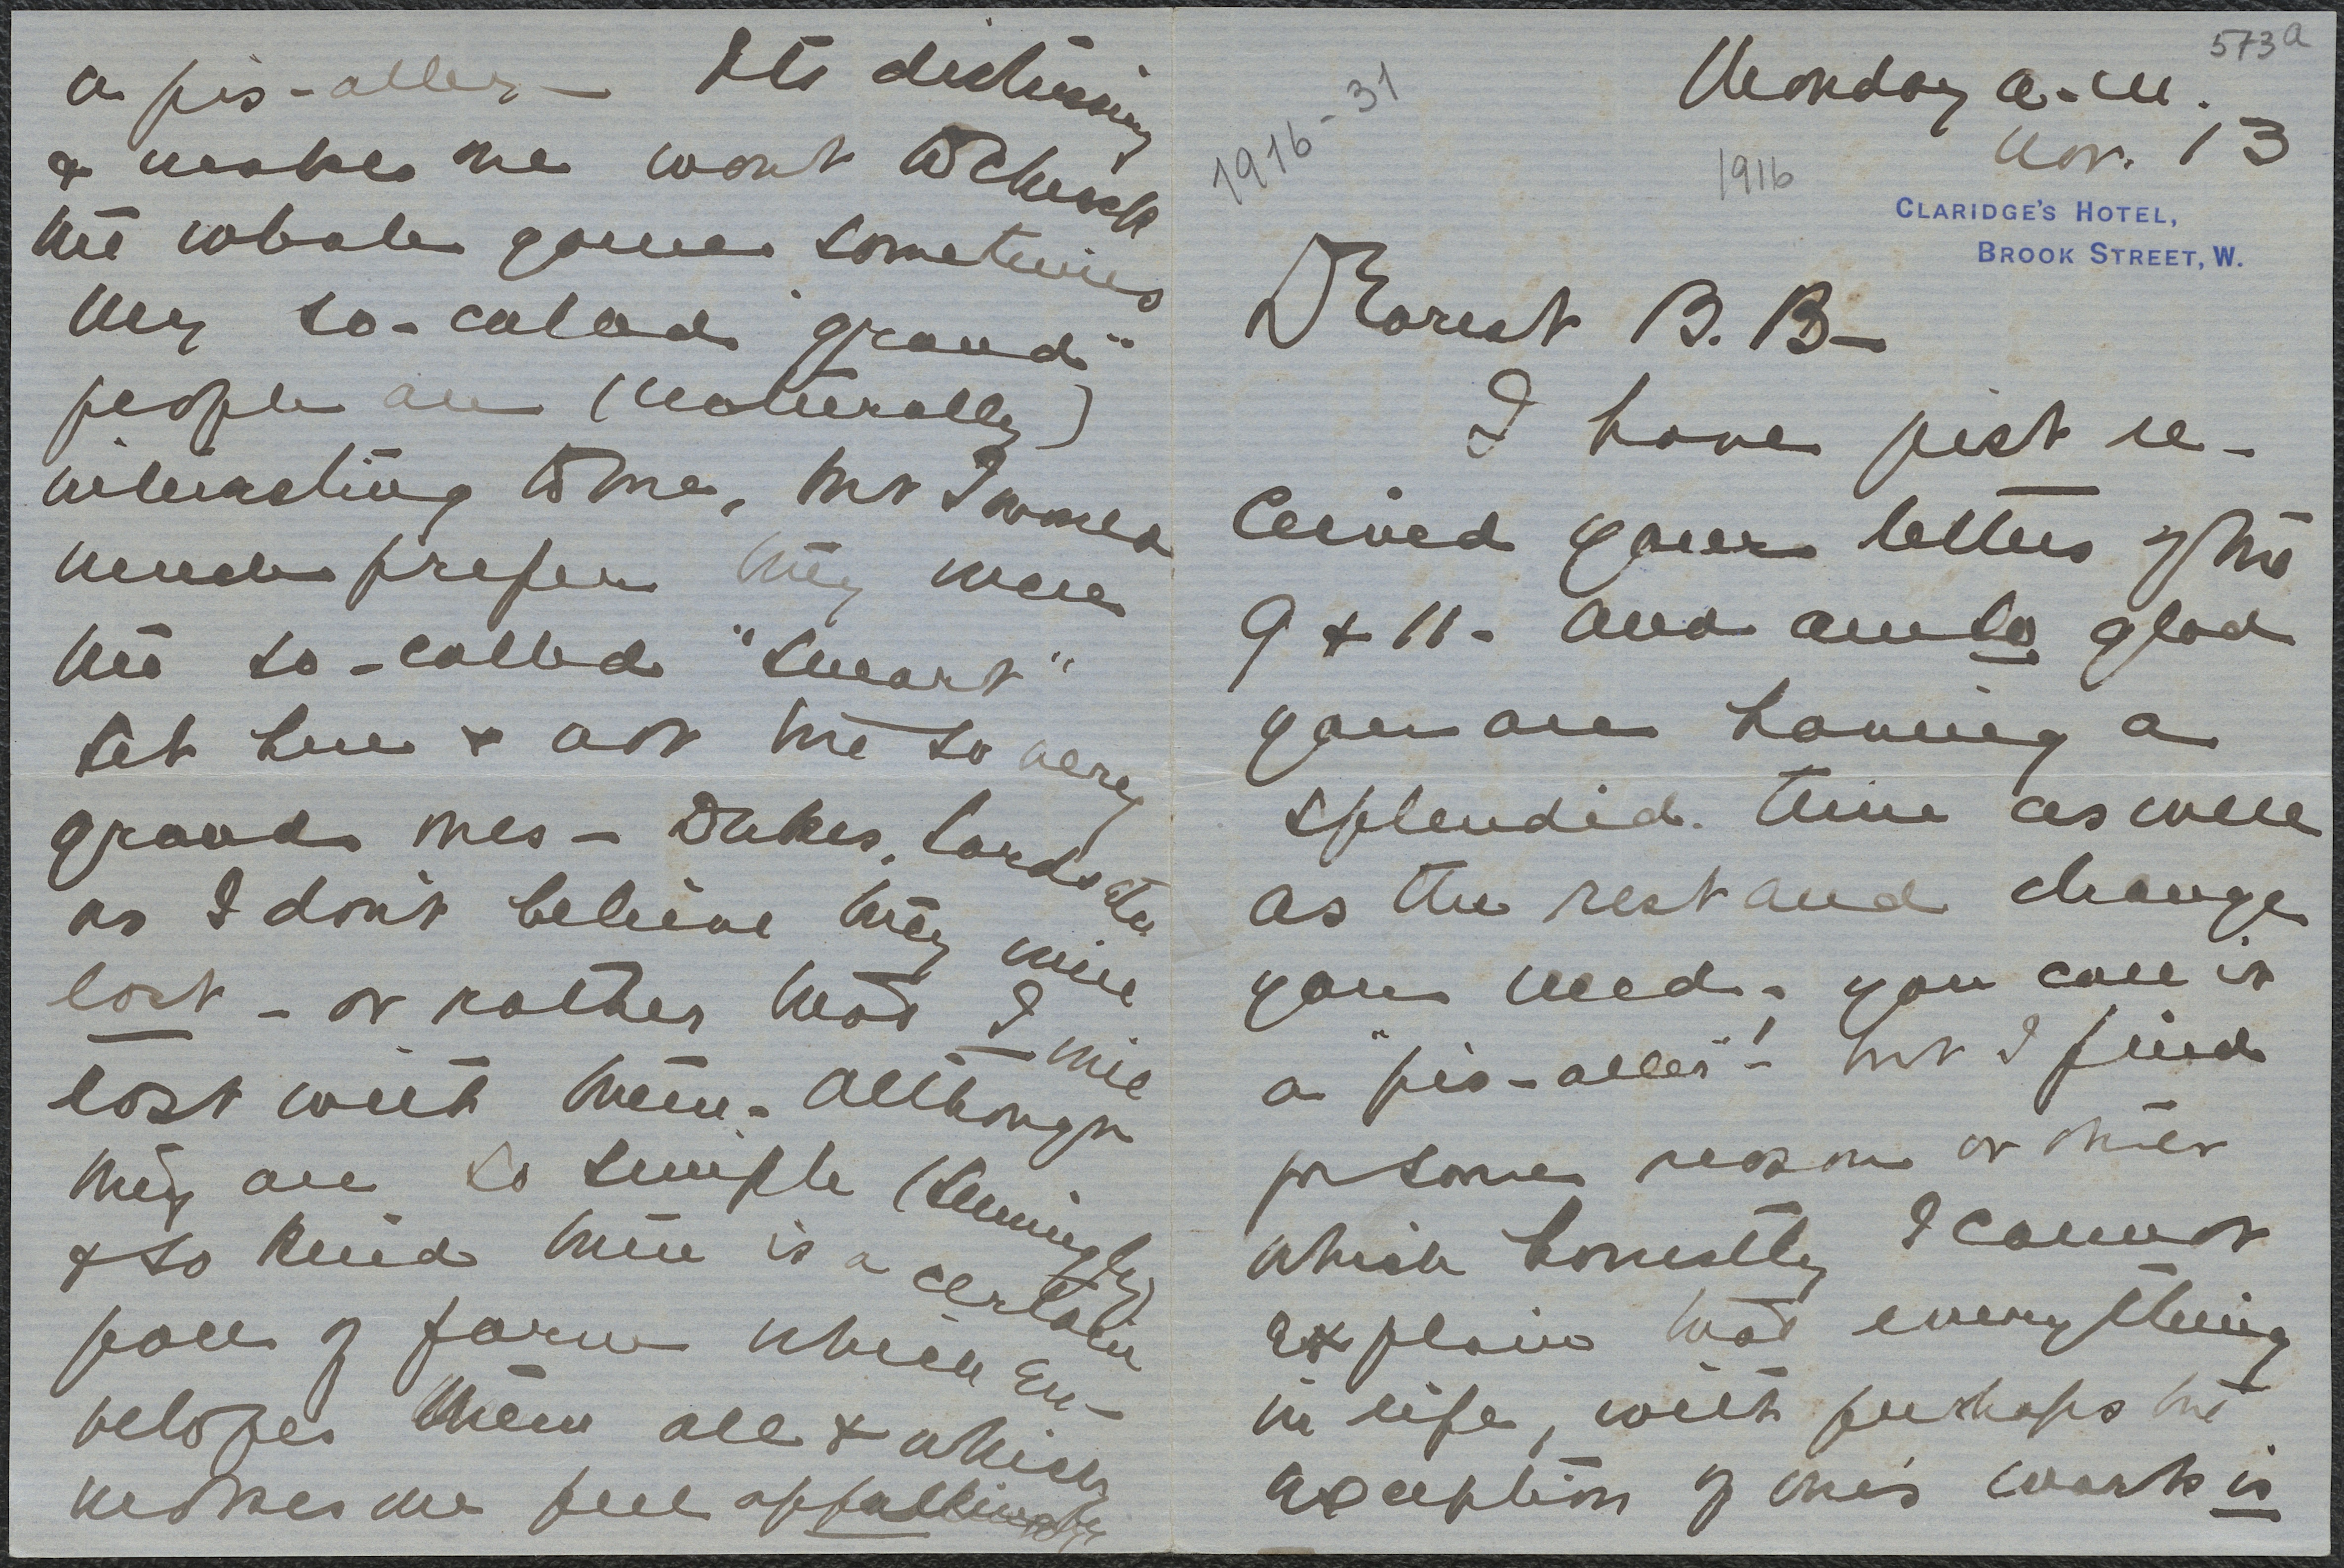Monday a.m.
Nov. 13
Dearest B.B –
I have just received your letters of the 9 & 11 – and am so glad you are having a splendid time as well as the rest and change you need – you call it a “pis-aller”! but I find for some reason or other which honestly I cannot explain that everything in life, with perhaps the exception of one’s work is
a pis-aller – Its [sic] distressing & makes me want to chuck the whole game sometimes
My so-called “grand” people are (naturally) interesting to me, but I would much prefer they were the so-called “smart” set here & not the so very grand ones – Dukes, Lords etc as I don’t believe they will last – or rather that I will last with them – although they are so simple (seemingly) & so kind there is a certain pace of form which envelopes them all & which makes me feel appallingly